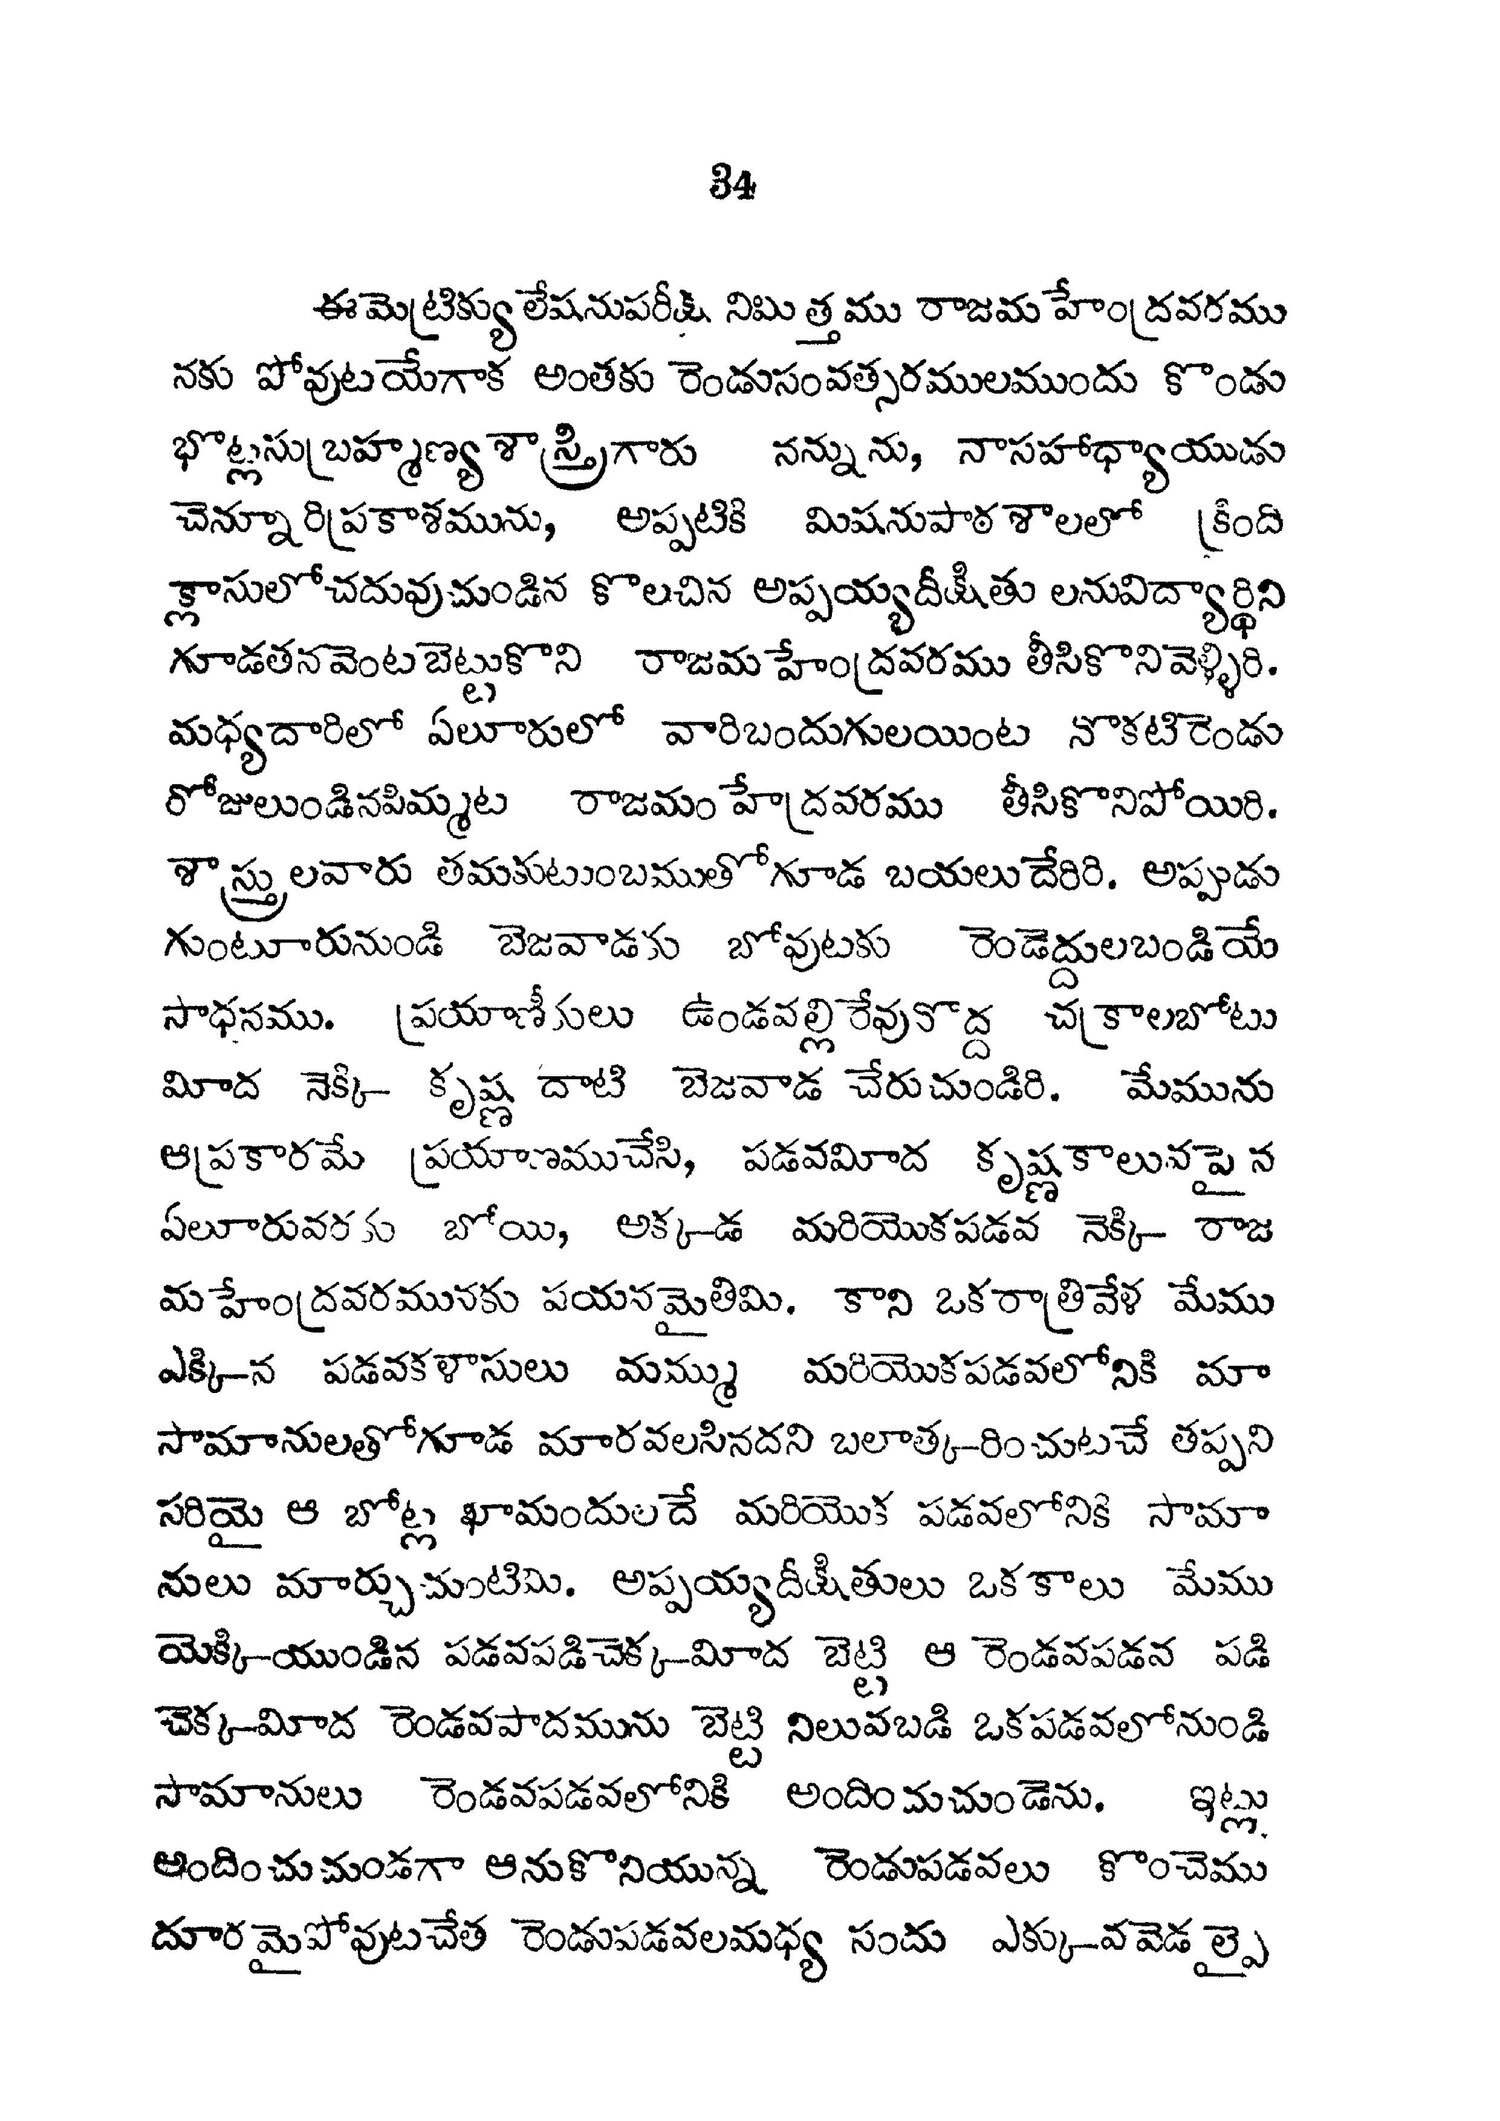ఈమెట్రిక్యులేషనుపరీక్ష నిమిత్తము రాజమహేంద్రవరమునకు పోవుటయేగాక అంతకు రెండుసంవత్సరములముందు కొండుభొట్లసుబ్రహ్మణ్యశాస్త్రిగారు నన్నును, నాసహాధ్యాయుడు చెన్నూరిప్రకాశమును, అప్పటికి మిషనుపాఠశాలలో క్రింది క్లాసులోచదువుచుండిన కొలచిన అప్పయ్యదీక్షితు లనువిద్యార్థిని గూడతనవెంటబెట్టుకొని రాజమహేంద్రవరము తీసికొనివెళ్ళిరి. మధ్యదారిలో ఏలూరులో వారిబందుగులయింట నొకటిరెండు రోజులుండినపిమ్మట రాజమహేంద్రవరము తీసికొనిపోయిరి. శాస్త్రులవారు తమకుటుంబముతోగూడ బయలుదేరిరి. అప్పుడు గుంటూరునుండి బెజవాడకు బోవుటకు రెండెద్దులబండియే సాధనము. ప్రయాణీకులు ఉండవల్లిరేవునొద్ద చక్రాలబోటుమీద నెక్కి కృష్ణ దాటి బెజవాడ చేరుచుండిరి. మేమును ఆప్రకారమే ప్రయాణముచేసి, పడవమీద కృష్ణకాలువపైన ఏలూరువరకు బోయి, అక్కడ మరియొకపడవ నెక్కి రాజమహేంద్రవరమునకు పయనమైతిమి. కాని ఒకరాత్రివేళ మేము ఎక్కిన పడవకళాసులు మమ్ము మరియొకపడవలోనికి మా సామానులతోగూడ మారవలసినదని బలాత్కరించుటచే తప్పనిసరియై ఆ బోట్ల ఖామందులదే మరియొక పడవలోనికి సామానులు మార్చుచుంటిమి. అప్పయ్యదీక్షితులు ఒకకాలు మేము యెక్కియుండిన పడవపడిచెక్కమీద బెట్టి ఆ రెండవపడవ పడిచెక్కమీద రెండవపాదమును బెట్టి నిలువబడి ఒకపడవలోనుండి సామానులు రెండవపడవలోనికి అందించుచుండెను. ఇట్లు అందించుచుండగా ఆనుకొనియున్న రెండుపడవలు కొంచెము దూరమైపోవుటచేత రెండుపడవలమధ్య సందు ఎక్కువవెడల్పై